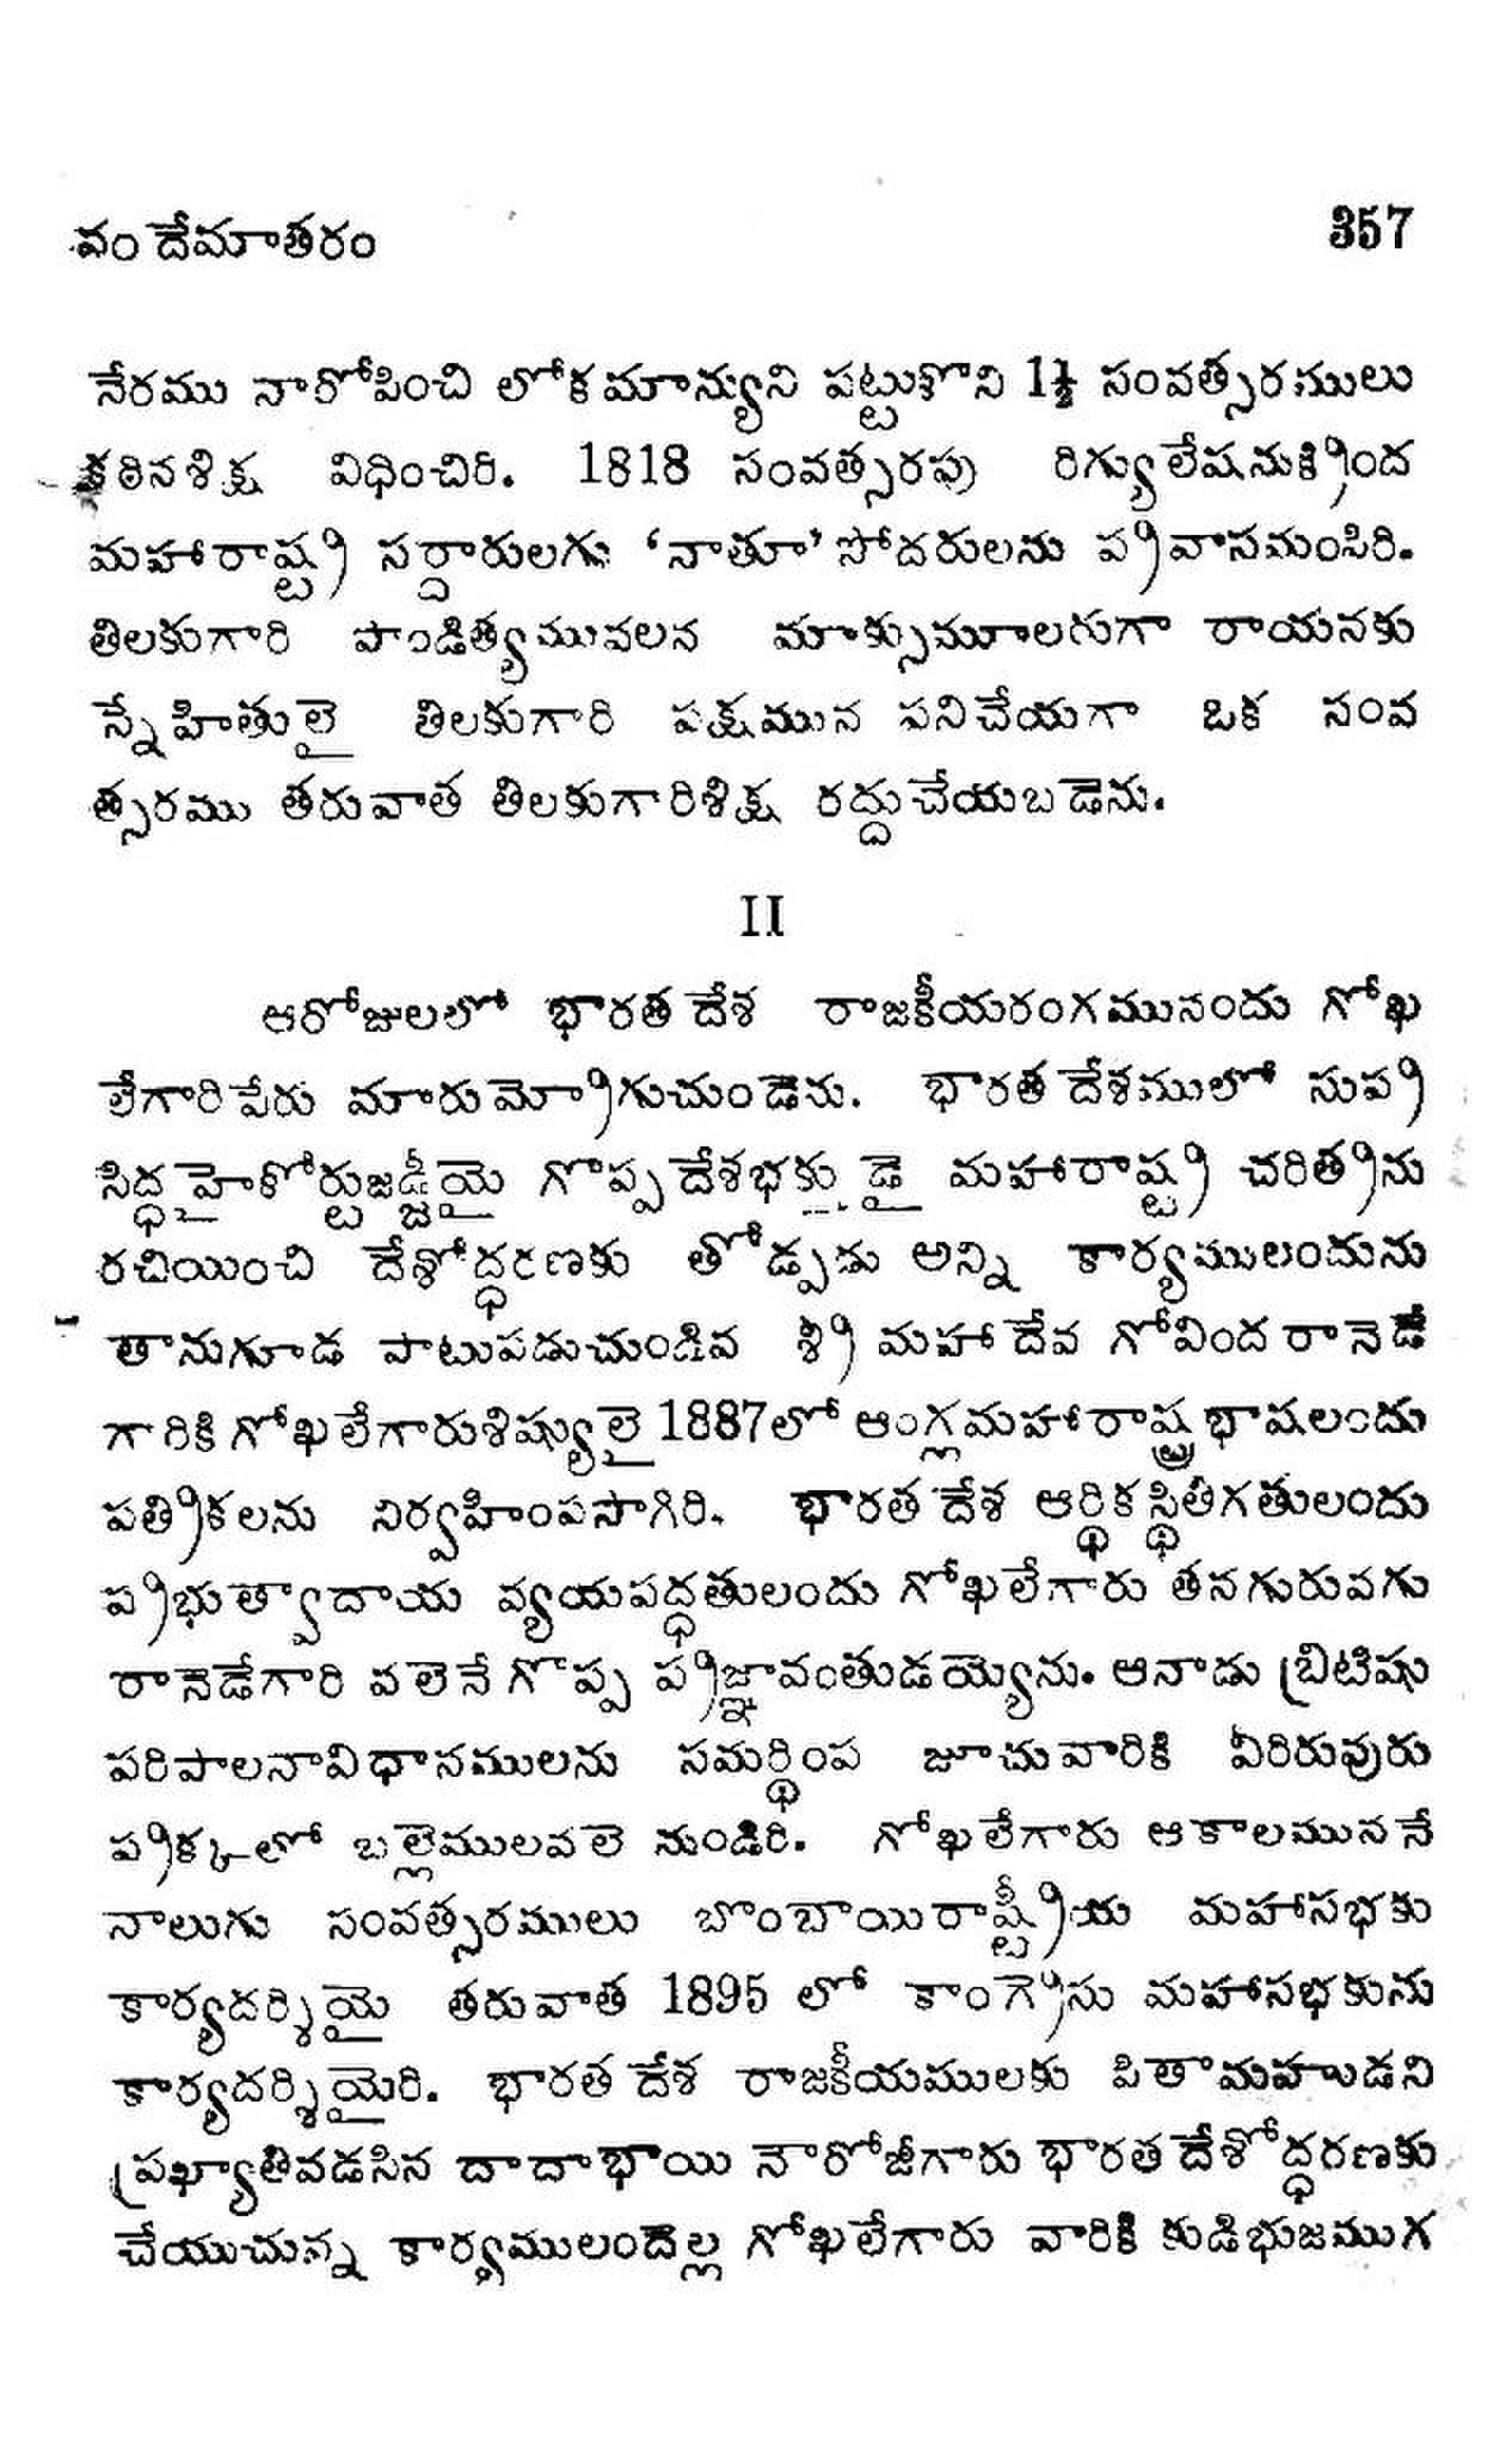నేరము నారోపించి లోకమాన్యుని పట్టుకొని 1 1/2 సంవత్సరములు కఠినశిక్ష విధించిరి. 1818 సంవత్సరపు రిగ్యులేషనుక్రింద మహారాష్ట్ర సర్దారులగు 'నాతూ' సోదరులను ప్రవాసమంపిరి. తిలకుగారి పాండిత్యమువలన మాక్సుమూలరుగా రాయనకు స్నేహితులై తిలకుగారి పక్షమున పనిచేయగా ఒక సంవత్సరము తరువాత తిలకుగారిశిక్ష రద్దు చేయబడెను.

II

ఆరోజులలో భారతదేశ రాజకీయరంగమునందు గోఖలేగారిపేరు మారుమ్రోగుచుండెను. భారతదేశములో సుప్రసిద్ధహైకోర్టు జడ్జీయై గొప్పదేశభక్తుడై మహారాష్ట్ర చరిత్రను రచియించి దేశోద్ధరణకు తోడ్పడు అన్ని కార్యములందును తానుగూడ పాటుపడుచుండిన శ్రీ మహాదేవ గోవింద రానెడే గారికి గోఖలేగారుశిష్యులై 1887లో ఆంగ్లమహారాష్ట్రభాషలందు పత్రికలను నిర్వహింపసాగిరి. భారతదేశ ఆర్థికస్థితిగతులందు ప్రభుత్వాదాయ వ్యయపద్ధతులందు గోఖలేగారు తనగురువగు రానెడేగారి వలెనే గొప్ప ప్రజ్ఞావంతుడయ్యెను. ఆనాడు బ్రిటిషు పరిపాలనావిధానములను సమర్ధింప జూచువారికి వీరిరువురు ప్రక్కలో బల్లెములవలె నుండిరి. గోఖలేగారు ఆ కాలముననే నాలుగు సంవత్సరములు బొంబాయిరాష్ట్రీయ మహాసభకు కార్యదర్శియై తరువాత 1895 లో కాంగ్రెసు మహాసభకును కార్యదర్శియైరి. భారతదేశ రాజకీయములకు పితామహుడని ప్రఖ్యాతివడసిన దాదాభాయి నౌరోజీగారు భారతదేశోద్ధరణకు చేయుచున్న కార్యములందెల్ల గోఖలేగారు వారికి కుడిభుజముగ